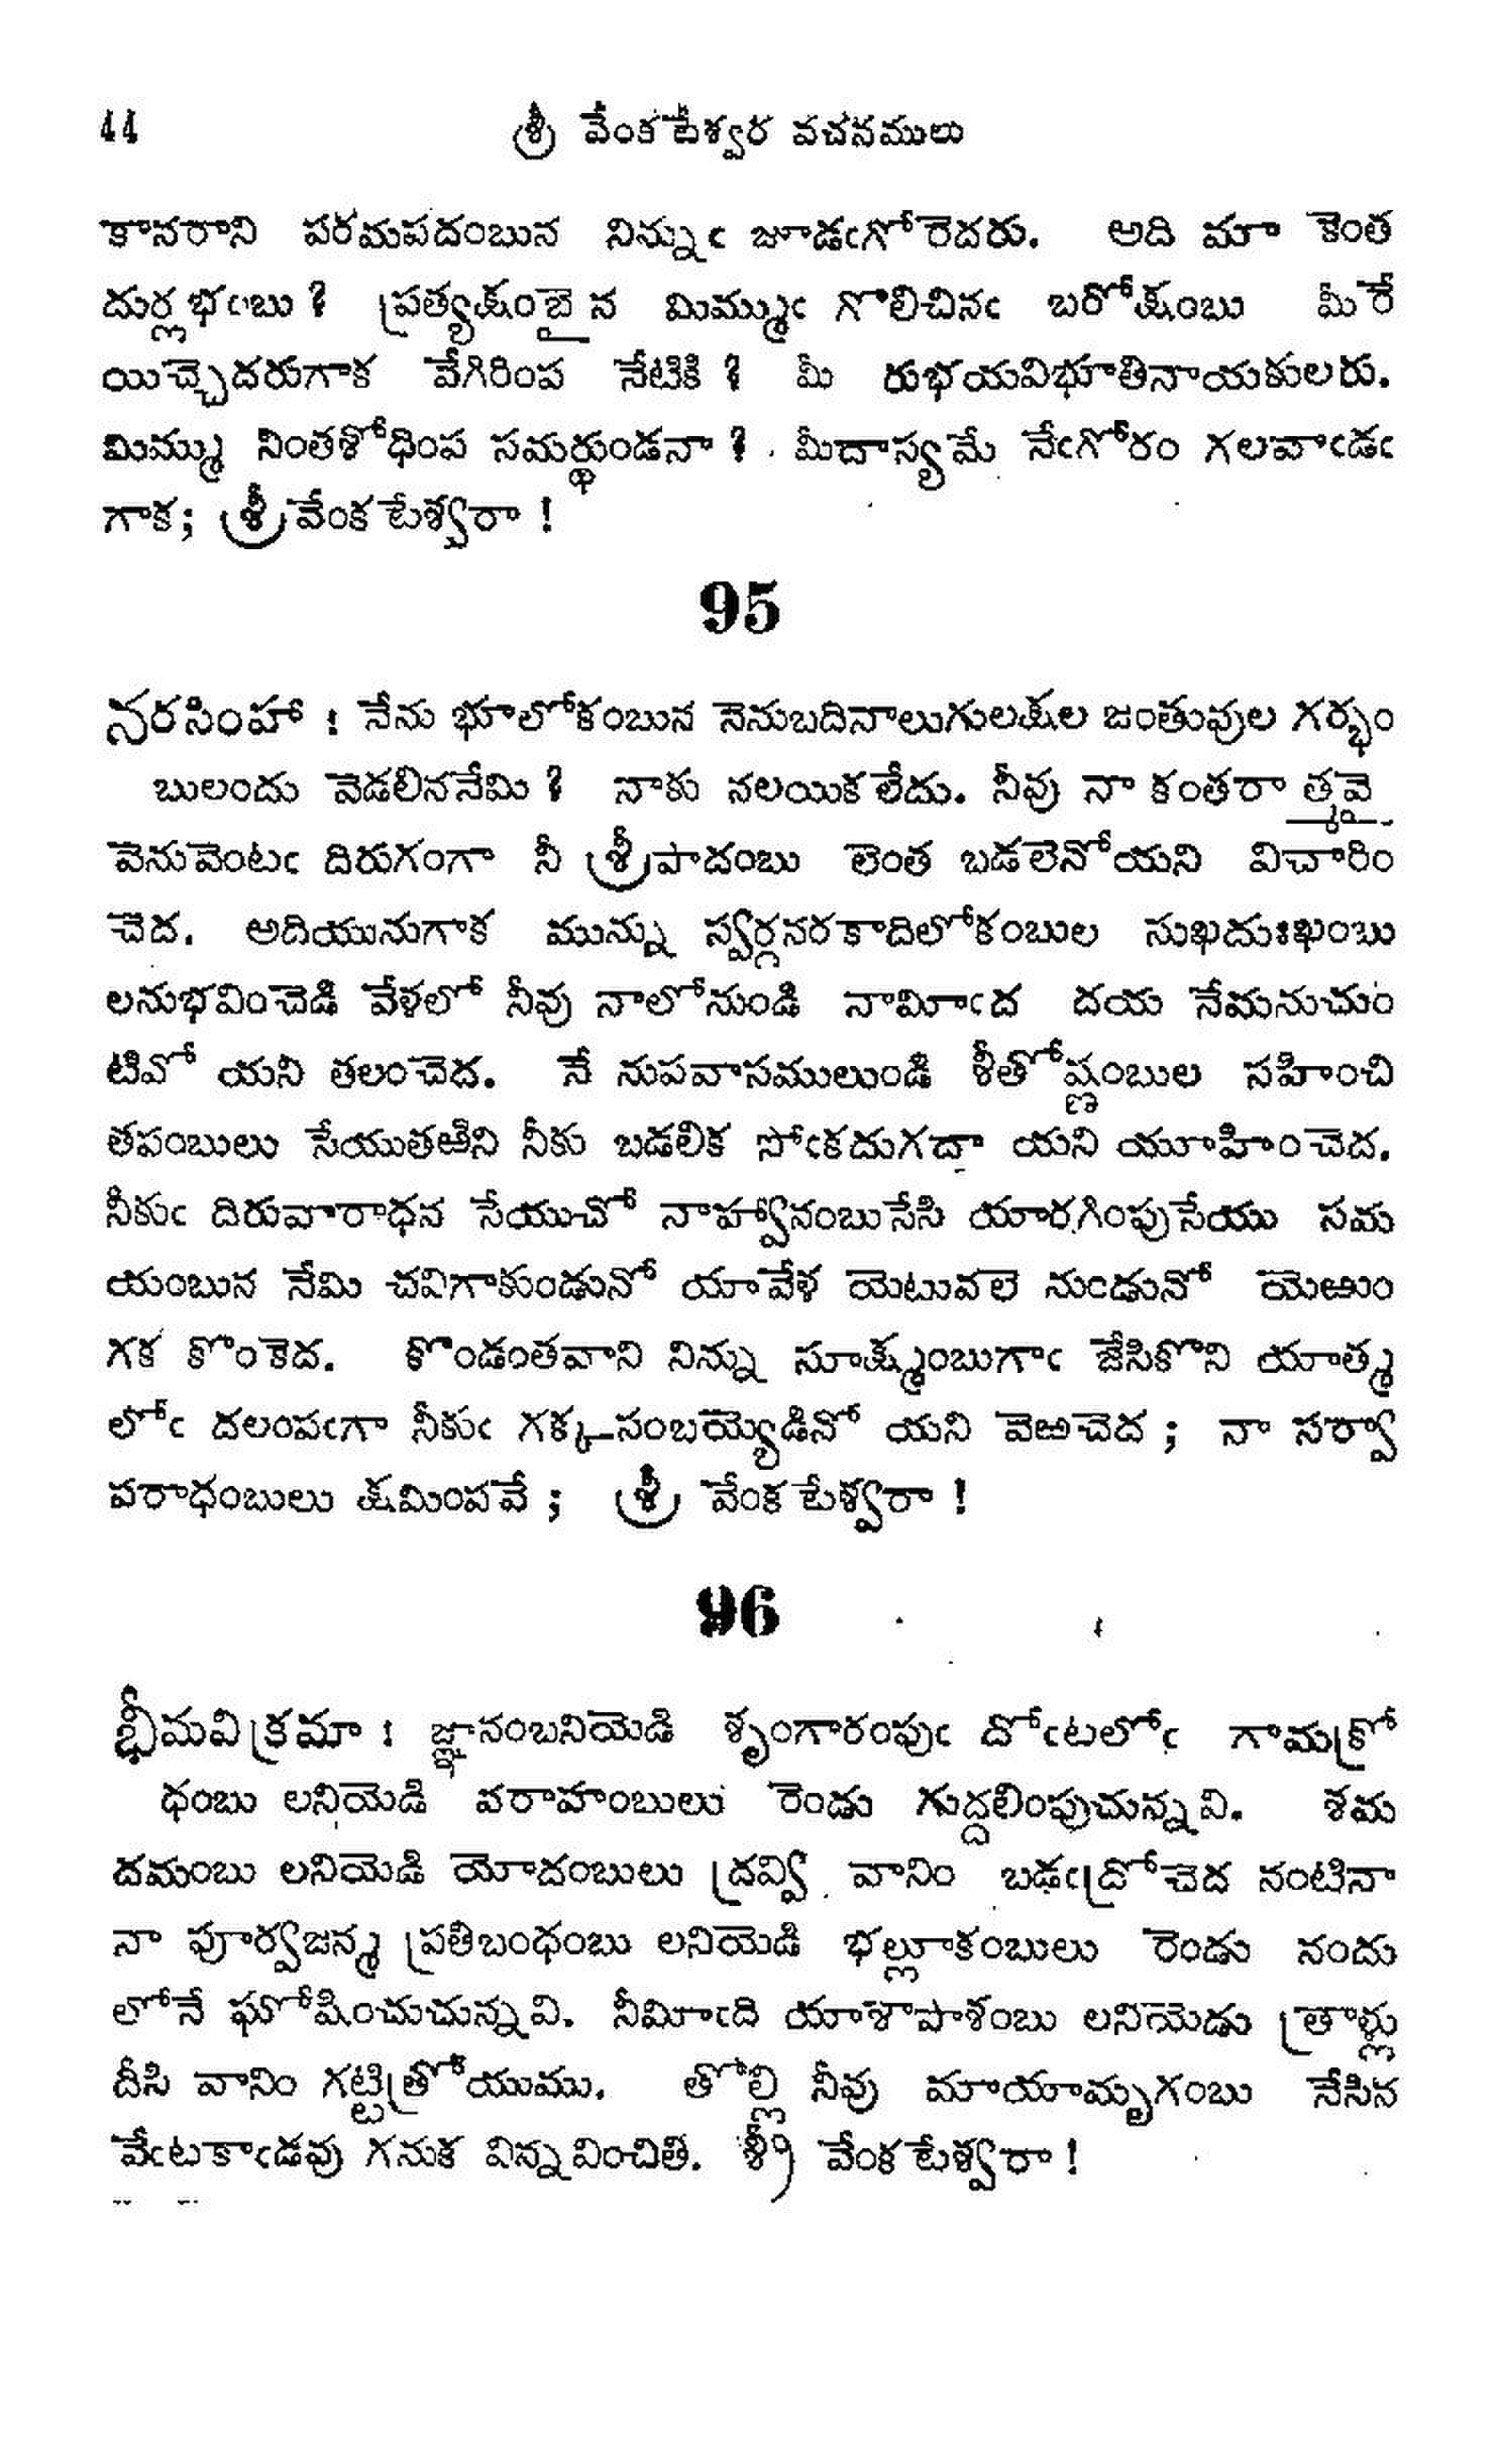శ్రీ వేంకటేశ్వర వచనములు 

కానరాని పరమపదంబున నిన్నుఁ జూడఁగోరెదరు. అది మా కెంత దుర్లభంబు ? ప్రత్యక్షం బైన మిమ్ముఁ గొలిచినఁ బరోక్షంబు మీరే యిచ్చెదరుగాక వేగిరింప నేటికి మీ రుభయవిభూతి నాయకులరు. మిమ్ము నింతశోధింప సమర్థుండనా ? మీదాస్యమే నేఁగోరం గలవాడ గాక; శ్రీ వేంక టేశ్వరా ! "

95

 ! నేను భూలోకంబున నెనుబదినాలుగులక్షల జంతువుల గర్భం బులందు వెడలిననేమి ? నాకు నలయిక లేదు. నీవు నా కంతరా త్మవై వెను వెంటఁ దిరుగంగా నీ శ్రీపాదంబు లెంత బడ లేనోయని విచారిం చెద. అదియునుగాక మున్ను స్వర్గ నరకాదిలోకంబుల సుఖదుఃఖంబు లనుభవించెడి వేళలో నీవు నాలోనుండి నామీఁద దయ 'నేమనుచుం టివో యనీ తలంచెద. నే నుపవాసములుండి శీతోష్ణంబుల సహించి తపంబులు సేయుతఱిని నీకు బడలిక సోఁకదుగదా యని యూహించెద. నీకుఁ దిరువారాధన సేయుచో నాహ్వానంబు సేసి యారగింపుసేయు సమ యంబున నేమి చవిగాకుండునో యావేళ యెటువలె నుండునో యెఱుం గక కొంకెద. కొండంతవాని నిన్ను సూక్ష్మంబుగా జేసికొని యాత్మ లోఁ దలంపఁగా నీకుఁ గక్క సంబయ్యెడినో యని వెఱుచెద ; నా సర్వా పరాధంబులు క్షమింపవే ; శ్రీ వేంక టేశ్వరా !

96

 ! జ్ఞానంబనియెడి శృంగారంపుఁ దోఁటలోఁ గామక్రో ధంబు లనియెడి ' వరాహంబులు రెండు గుద్దలింపుచున్నవి. శమ దమంబు లనియెడి యోదంబులు ద్రవ్వి , వానిం బడఁద్రోచెద నంటినా నా పూర్వజన్మ ప్రతి బంధంబు లనియెడి భల్లూకంబులు రెండు నందు లోనే ఘోషించుచున్నవి. నీమీది యాశాపాశంబు లనియెడు త్రాళ్ళు దీసి వానిం గట్టిత్రోయుము. తొల్లి నీవు మాయామృగంబు నేసిన వేఁటకాఁడవు గనుక విన్నవించితి. శ్రీ వేంకటేశ్వరా ! .